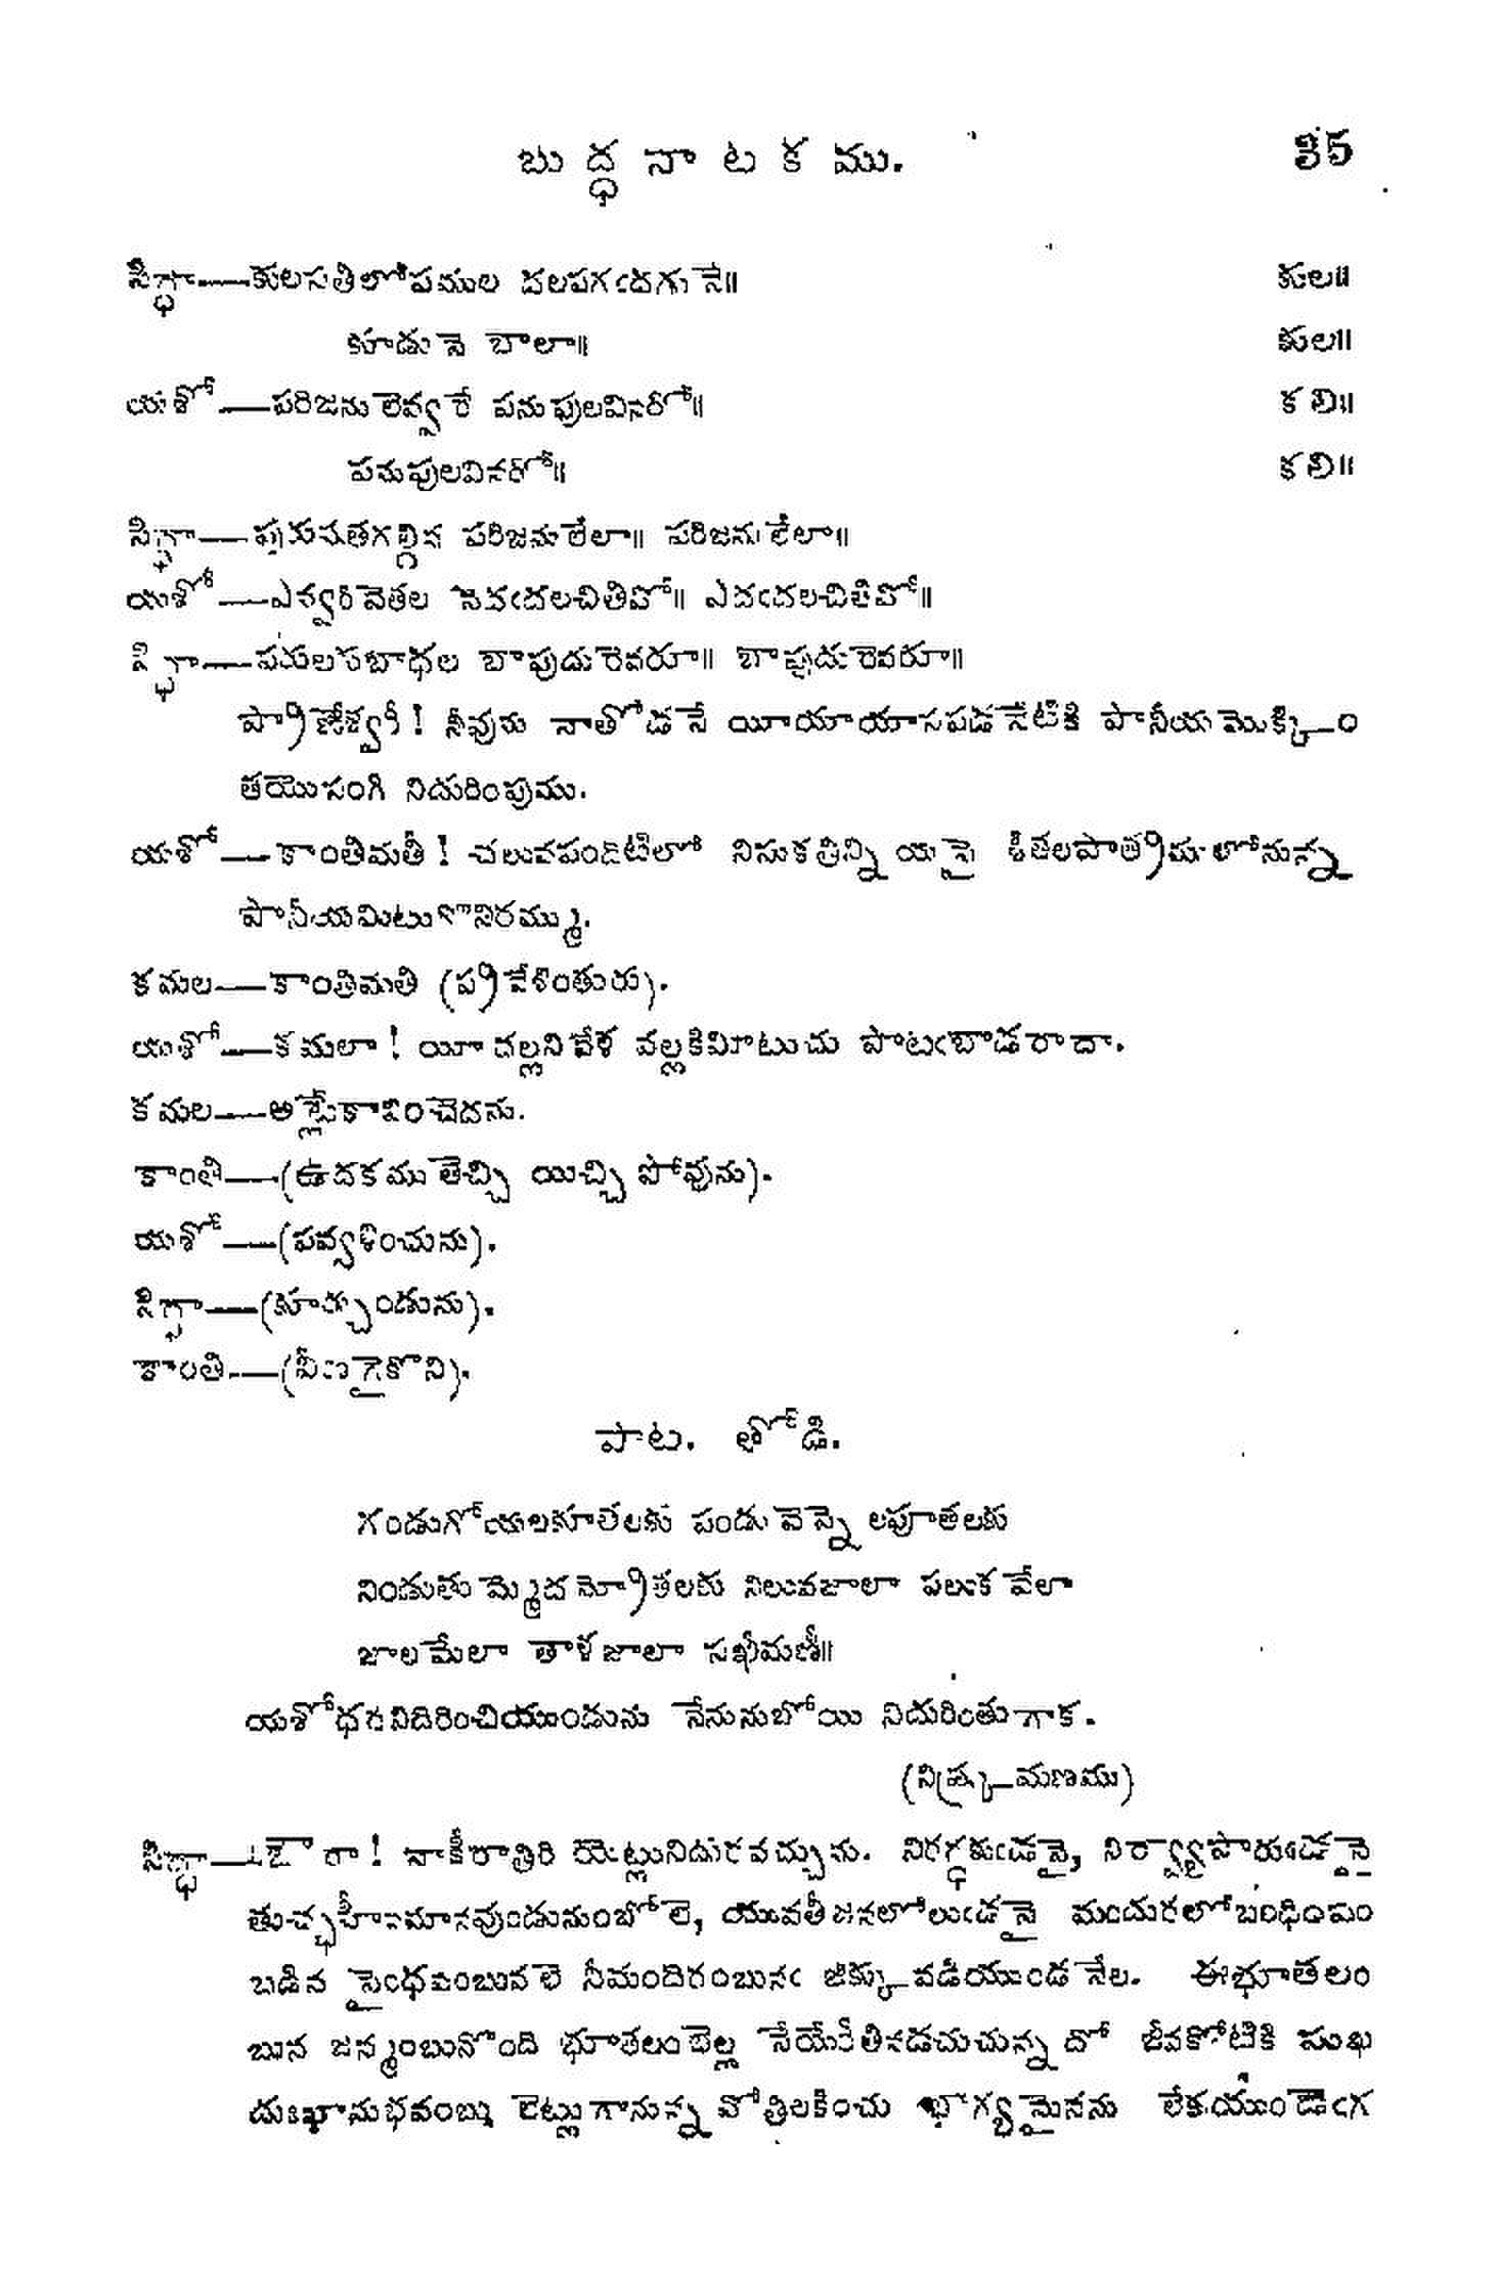సిద్ధా - కులసతిలోపముల దలపగఁదగు నే॥ ॥కుల॥ 
కూడునె బాలా!॥ ॥కుల॥ 

యశో— పరిజనులెవ్వరే పనుపులవినరో ॥కలి॥ 
పనుపులవినరో ॥కలి॥

సిద్దా - పురుషతగల్గిన పరిజనులేలా॥ పరిజనులేలా॥

యశో - ఎవ్యరివెతల సేదఁదలచితివో॥ ఎదఁదలచితివో॥

సిద్దా - పరులగుబాధల బాపుదురెవరూ॥ బాపుదురెవరూ॥ ప్రాణేశ్వరి! నీవును నాతోడనే యీయాయాసపడనేటికి పానీయమొక్కింతయొసంగి నిడురింపుము.

యశో — కాంతిమతీ! చలువపందిటిలో నిసుకతిన్నియపై శితలపాత్రములోనున్న పానీయమిటుగొనిరమ్ము.

కమల — కాంతిమతి (ప్రవేశింతురు).

యశో - కమలా! యీ చల్లనివేళ వల్లకేమిటుచు పాటఁబాడరాదా.

కమల - అట్లేకావించెదను.

కాంతి - (ఉదకము తెచ్చి యిచ్చిపోవును).

యశో - (పవ్వళించును).

సిద్దా - (కూర్చుండును).

కాంతి - (వీణగైకొని).

గండుగోయలకూతలకు పండువెన్నెలపూతలకు
నిండుతుమ్మెదమ్రోతలకు నిలువజాలా పలుక వేలా
జాలమేలా తాళజాలా సఖీమణీ॥ 

యశోధర విదిరించియుండును. నేనునుబోయి నిదురింతుగాక.

సిద్ధా - ఔరా! నాకీరాతిరి యెట్లునిదురవచ్చును. నిరర్ధకుఁడనై, నిర్వ్యాపారుఁడనై తుచ్ఛహీఐమానవుండును౦బోలె, యువతీ
జనలోలుఁడనై మందురలో బంధింపంబడిన సైంధపంబువలె నీమందిరంబునఁ జిక్కువడియుండనేల. ఈభూతలంబున జన్మంబునొంది భూతలంబెల్ల నేయేరీతినడచుచున్నదో జీవకోటికి సుఖ సంఖ దుఃఖానుభవంబు లెట్లుగానున్నవోతిలకించు భాగ్యమైనను లేకయుండెఁగ